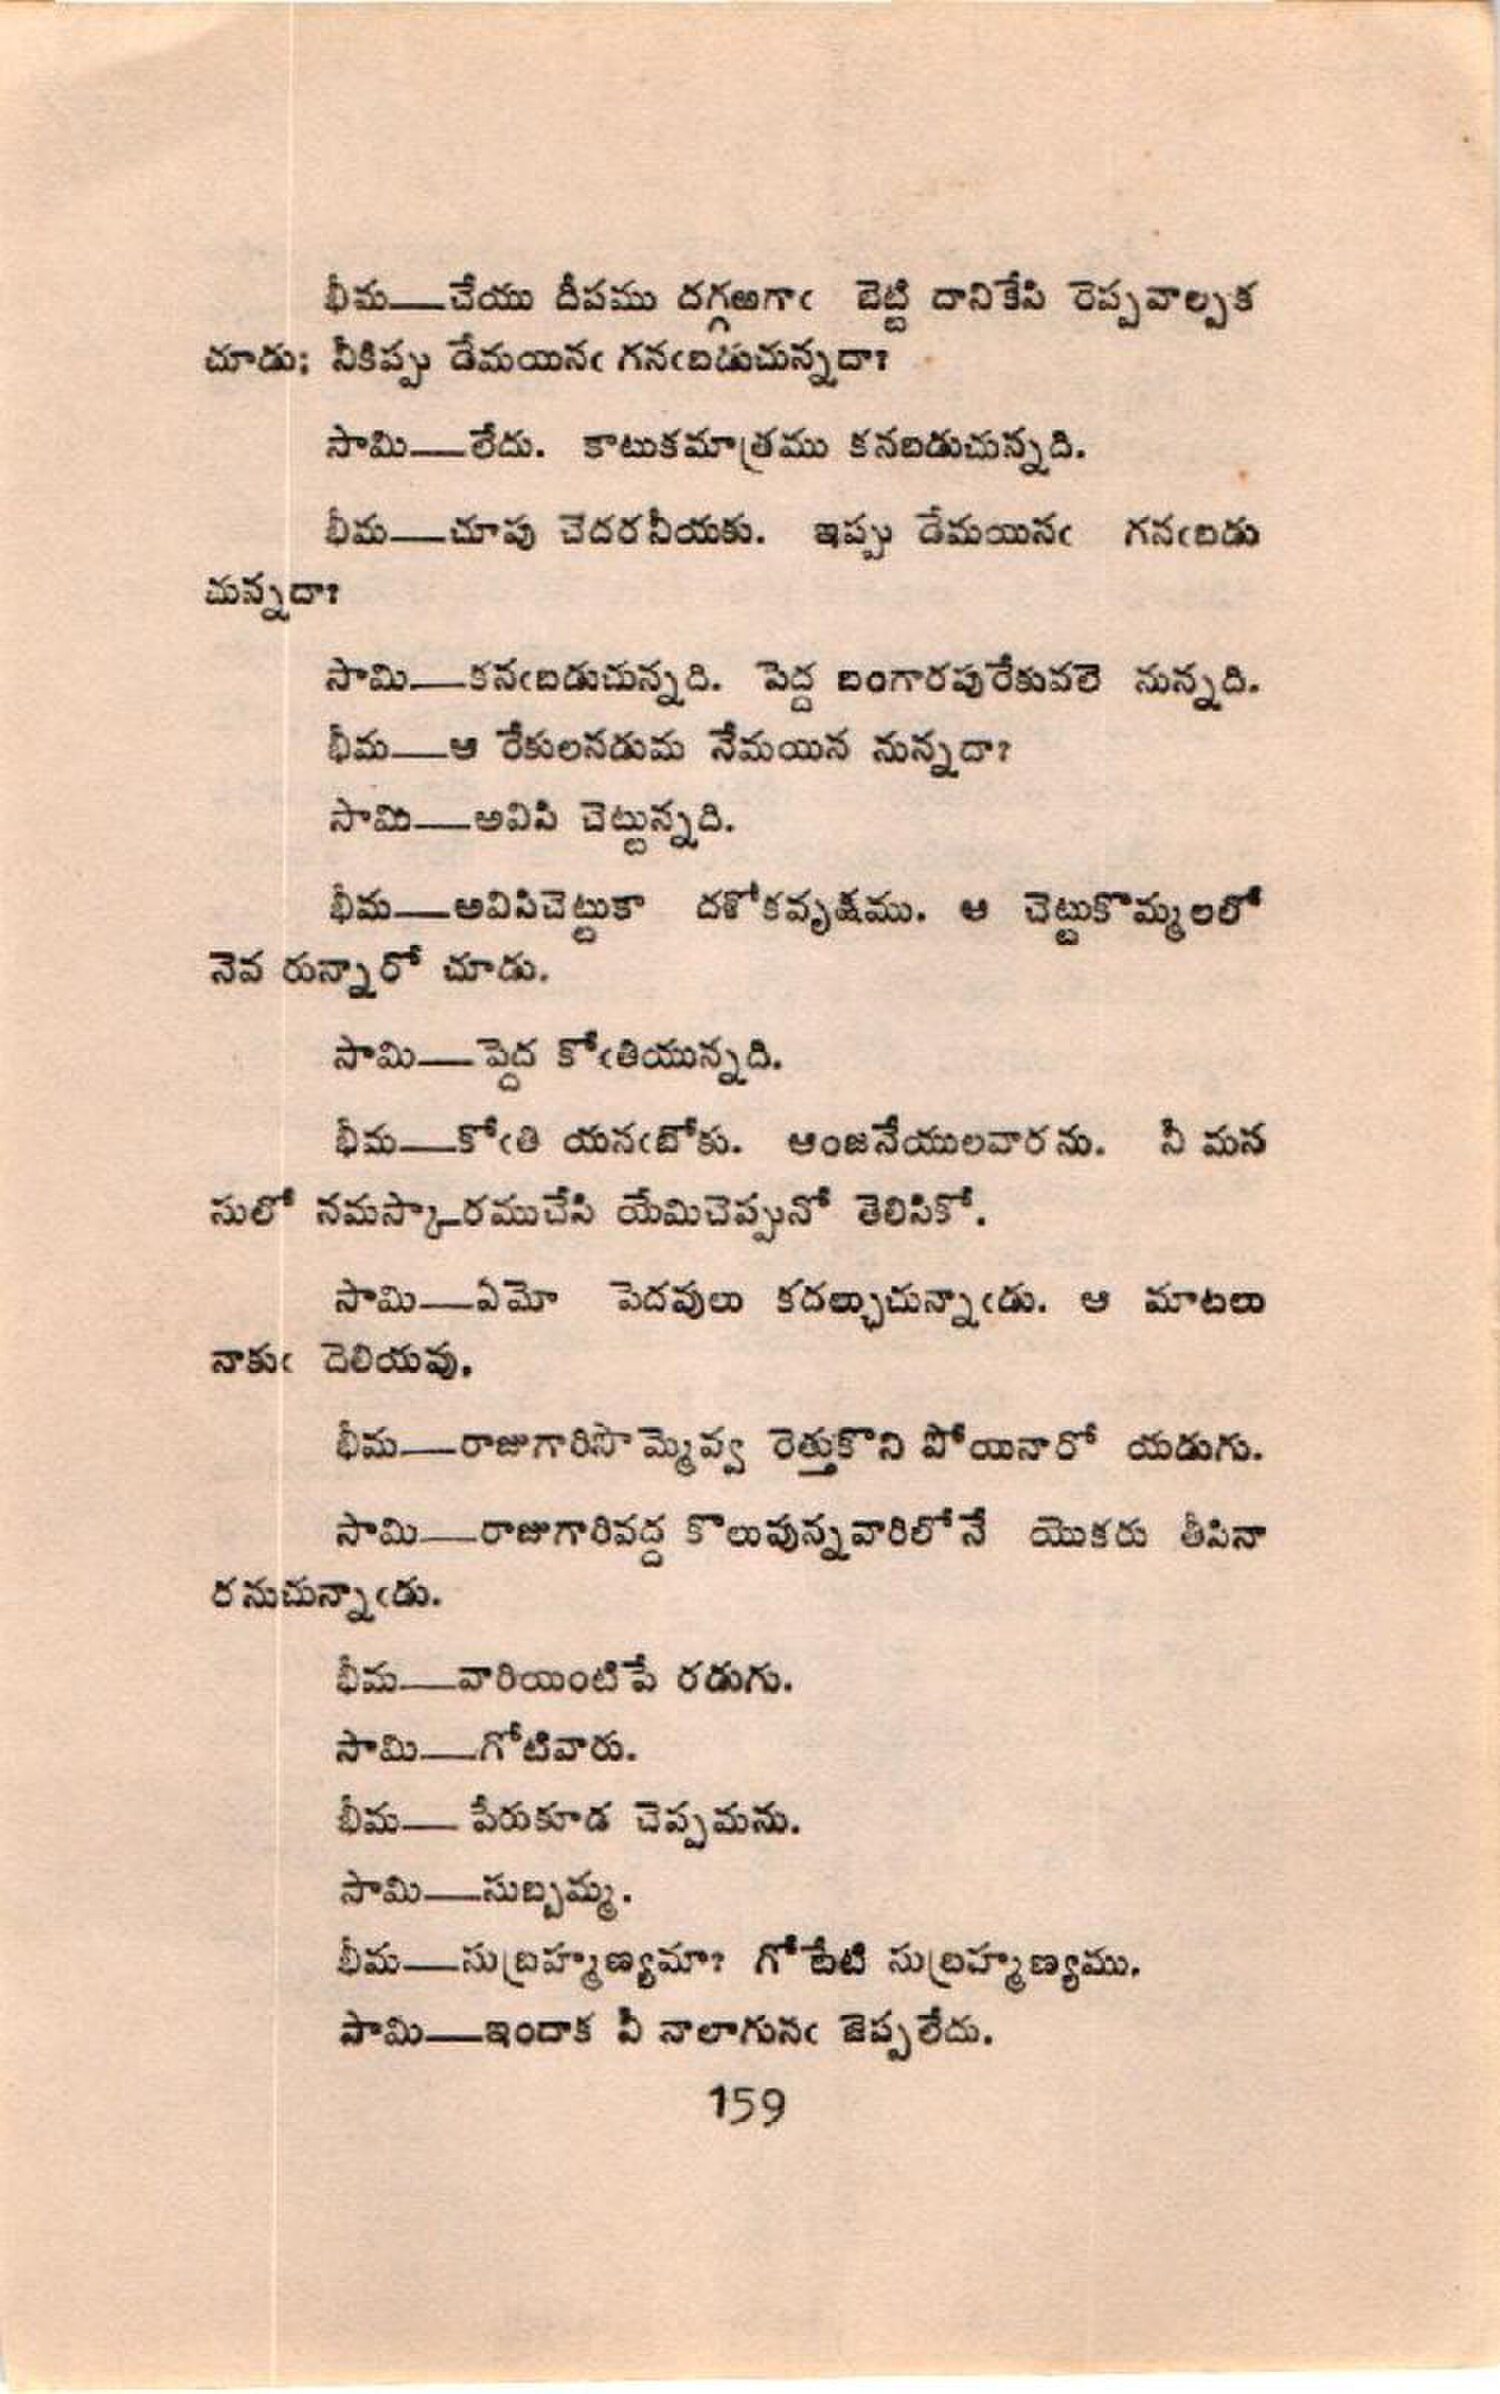భీమ__చేయు దీపము దగ్గఱగాఁ బెట్టి దానికేపి రెప్పవాల్చక చూడు; నీకిప్పు డేమయినఁ గనఁబడుచున్నదా?

సామి__లేదు. కాటుక మాత్రము కనబడుచున్నది.

భీమ__చూపు చెదరనీయకు. ఇప్ప డేమయినఁ గనఁబడు చున్నదా?

సామి__కనఁబడుచున్నది. పెద్ద బంగారపురేకువలె నున్నది.

భీమ__ఆ రేకులనడుమ నేమయిన నున్నదా?

సామి__అవిసి చెట్టున్నది.

భీమ__అవిసిచెట్టుకా దశోకవృక్షము. ఆ చెట్టుకొమ్మలలో నెవ రున్నారో చూడు.

సామి__పెద్ద కోఁతియున్నది.

భీమ__కోఁతి యనఁబోకు, ఆంజనేయులవారను. నీ మనసులో నమస్కారముచేసి యేమిచెప్పునో తెలిసికో,

సామి__ఏమో పెదవులు కదల్చుచున్నాఁడు. ఆ మాటలు నాకుఁ దెలియవు.

భీమ__రాజుగారిసొమ్మెవ్వ రెత్తుకొని పోయినారో యడుగు.

సామి__రాజుగారివద్ద కొలువున్నవారిలోనే యొకరు తీసినారనుచున్నాఁడు.

భీమ__వారియింటిపే రడుగు.

సామి__గోటివారు.

భీమ__పేరుకూడ చెప్పమను.
 
సామి__సుబ్బమ్మ.

భీమ__సుబ్రహ్మణ్యమా? గోటేటి సుబ్రహ్మణ్యము. 

సామి__ఇందాక వీ నాలాగునఁ జెప్పలేదు.